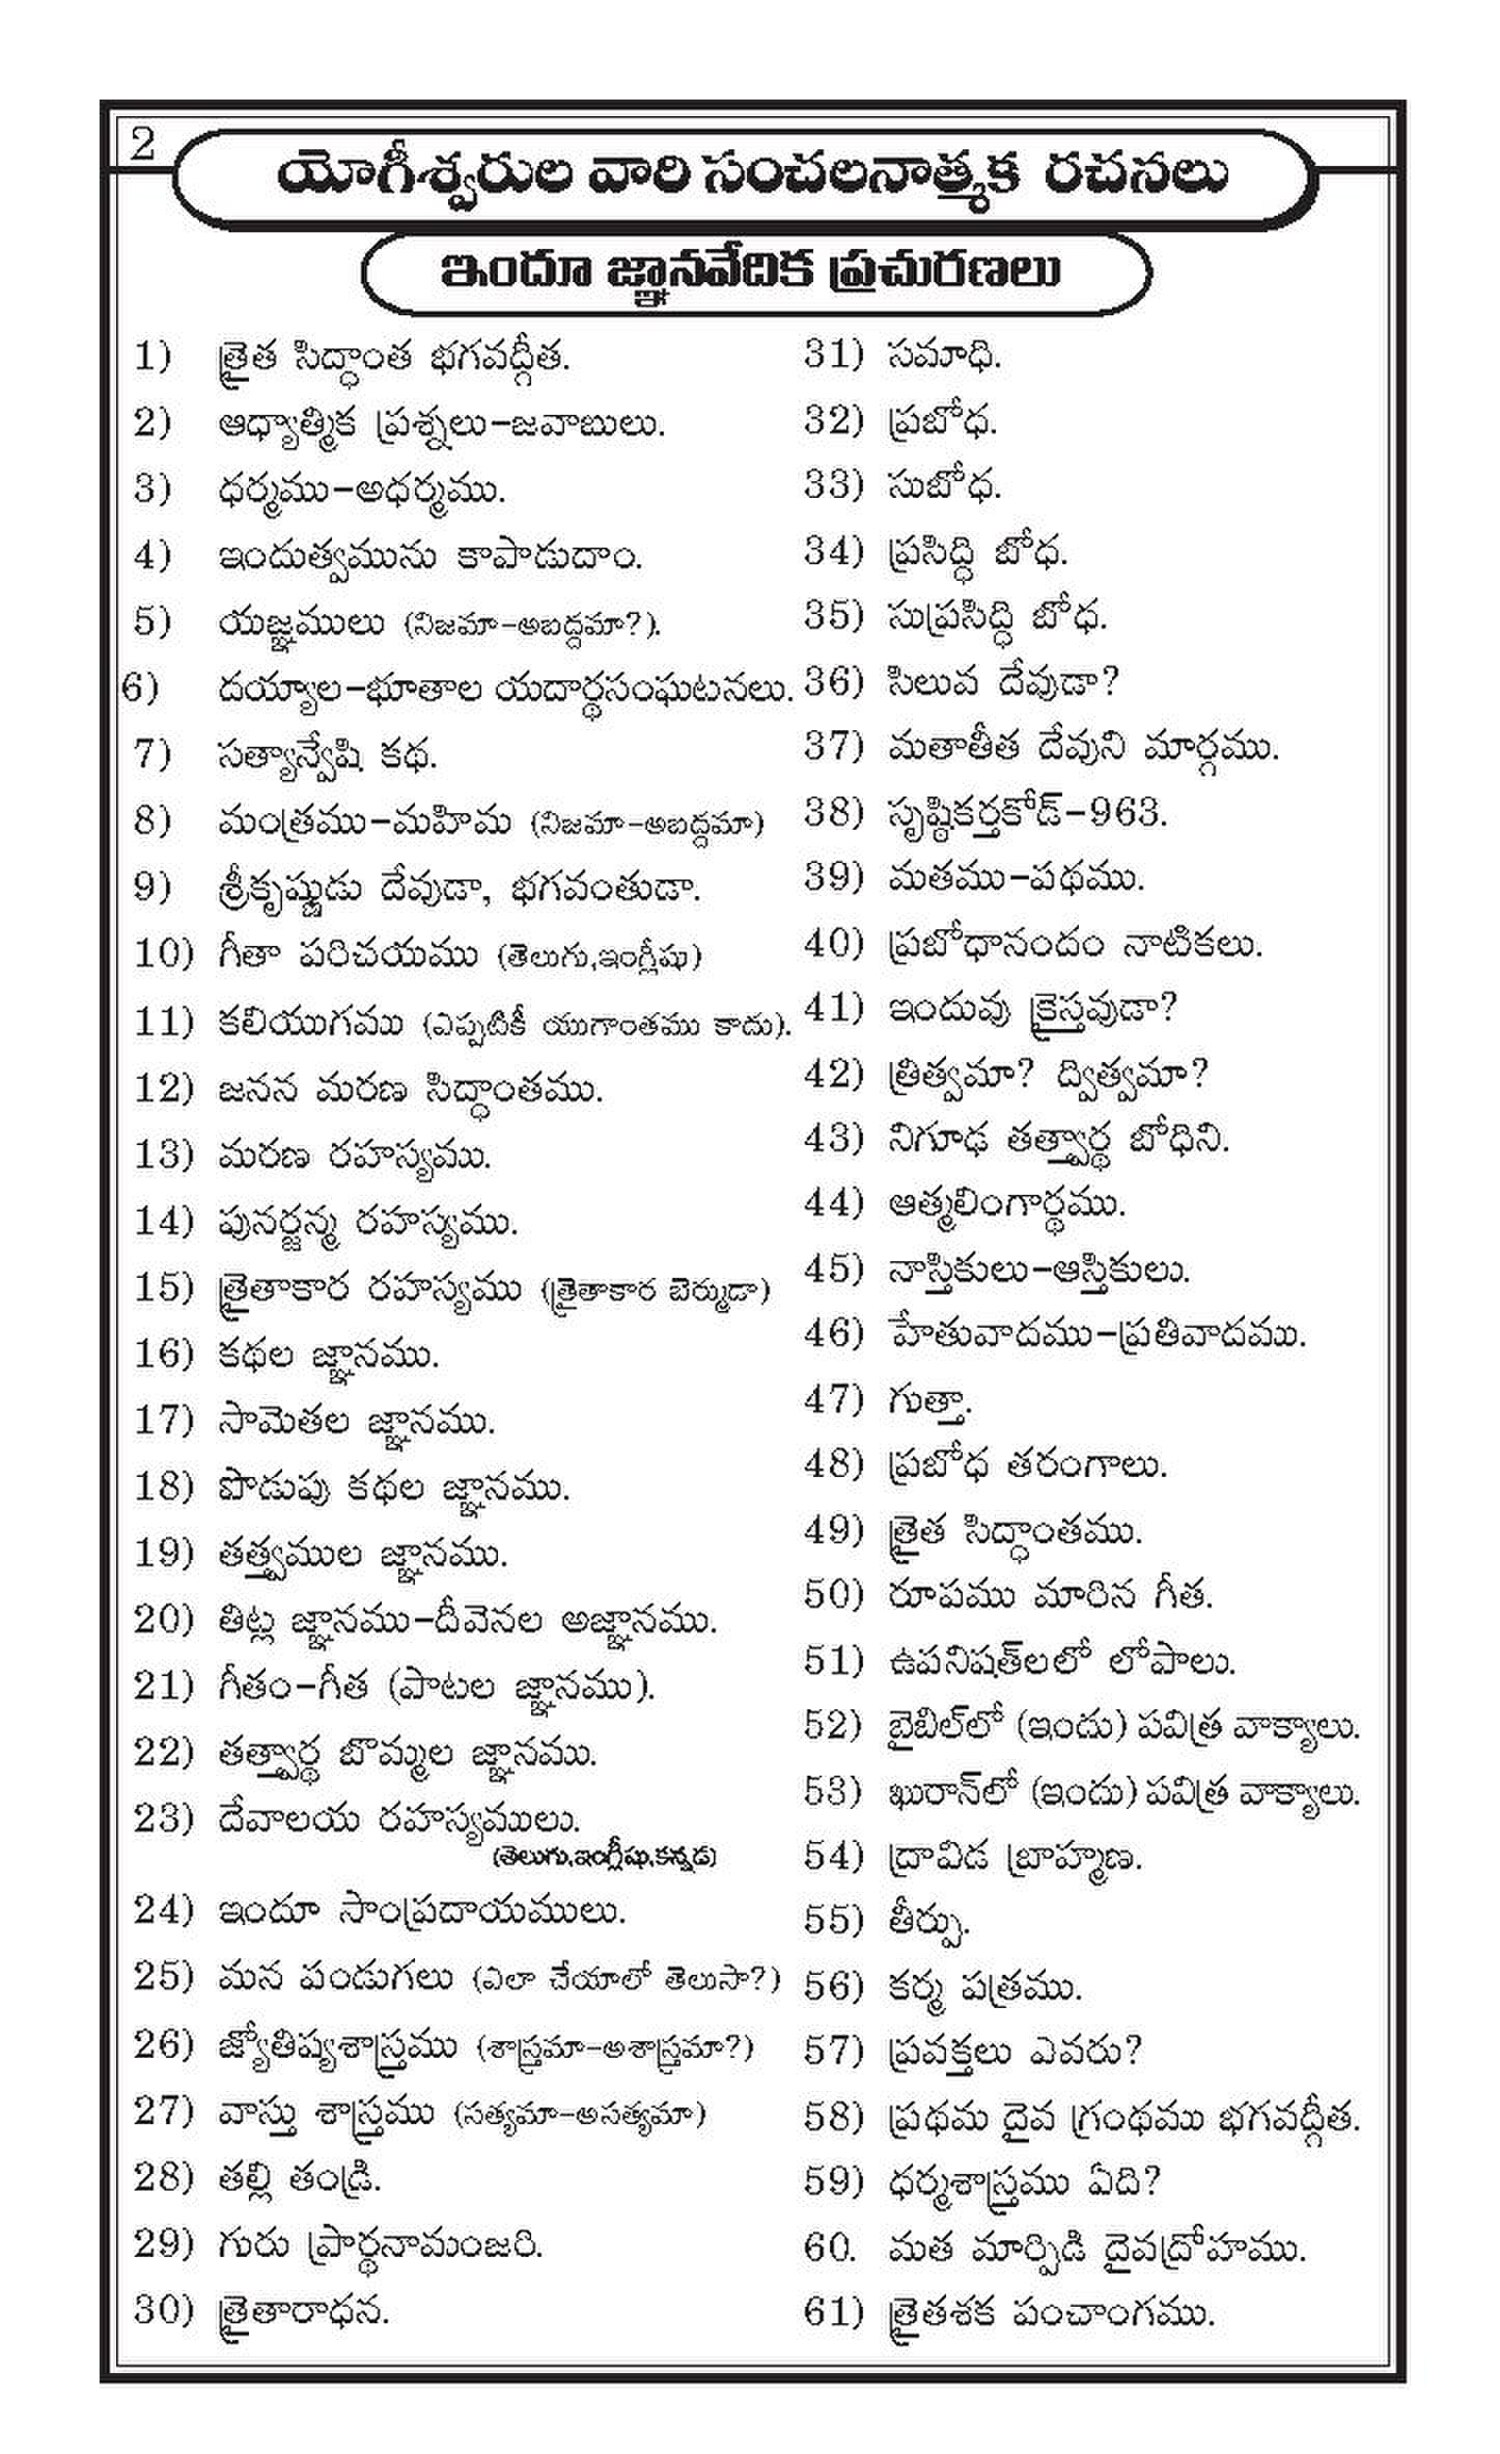యోగీశ్వరుల వారి సంచలనాత్మక రచనలు
ఇందూ జ్ఞానవేదిక ప్రచురణలు
 త్రైత సిద్ధాంత భగవద్గీత.
 గీతా పరిచయము (తెలుగు,ఇంగ్లీషు
 ధర్మము-అధర్మము.
 ఇందుత్వమును కాపాడుదాం.
 యజ్ఞములు (నిజమా-అబద్దమా?
 దయ్యాల-భూతాల యదార్థసంఘటనలు.
 సత్యాన్వేషి కథ.
 మంత్రము-మహిమ (నిజమా-అబద్దమా
 శ్రీకృష్ణుడు దేవుడా, భగవంతుడా.
 ఆధ్యాత్మిక ప్రశ్నలు-జవాబులు.
 కలియుగము (ఎప్పటికీ యుగాంతము కాదు
 జనన మరణ సిద్ధాంతము.	
 మరణ రహస్యము.
 పునర్జన్మ రహస్యము.
 త్రైతాకార రహస్యము (త్రైతాకార బెర్ముడా
 కథల జ్ఞానము.	
 సామెతల జ్ఞానము.
 పొడుపు కథల జ్ఞానము.
 తత్త్వముల జ్ఞానము.
 తిట్ల జ్ఞానము-దీవెనల అజ్ఞానము.
 గీతం-గీత (పాటల జ్ఞానము
 తత్త్వార్థ బొమ్మల జ్ఞానము.
 దేవాలయ రహస్యములు.
 ఇందూ సాంప్రదాయములు.
 మన పండుగలు (ఎలా చేయాలో తెలుసా?
 జ్యోతిష్యశాస్త్రము (శాస్త్రమా-అశాస్త్రమా?
 వాస్తు శాస్త్రము (సత్యమా-అసత్యమా
 తల్లి తండ్రి.
 గురు ప్రార్థనామంజరి.
 త్రైతారాధన.
 సమాధి.
 ప్రబోధ.	
 సుబోధ.
 ప్రసిద్ధి బోధ.
 సుప్రసిద్ధి బోధ.
 సిలువ దేవుడా?
 మతాతీత దేవుని మార్గము.
 దేవుని గుర్తు 963, మాయ గుర్తు 666.
 మతము-పథము.
 ప్రబోధానందం నాటికలు.
 ఇందువు క్రైస్తవుడా?
 త్రిత్వమా? ద్విత్వమా?
 నిగూఢ తత్త్వార్థ బోధిని.
 ఆత్మలింగార్థము.
 నాస్తికులు-ఆస్తికులు.
 హేతువాదము-ప్రతివాదము.
 గుత్తా.
 ప్రబోధ తరంగాలు.
 త్రైత సిద్ధాంతము.
 రూపము మారిన గీత.
 ఉపనిషత్‌లలో లోపాలు.
 బైబిల్‌లో (ఇందు
 ఖురాన్‌లో (ఇందు
 ద్రావిడ బ్రాహ్మణ.
 తీర్పు.
 కర్మ పత్రము.
 ప్రవక్తలు ఎవరు?
 ప్రథమ దైవ గ్రంథము భగవద్గీత.
 ధర్మశాస్త్రము ఏది?
 మత మార్పిడి దైవద్రోహము.
 త్రైతశక పంచాంగము.